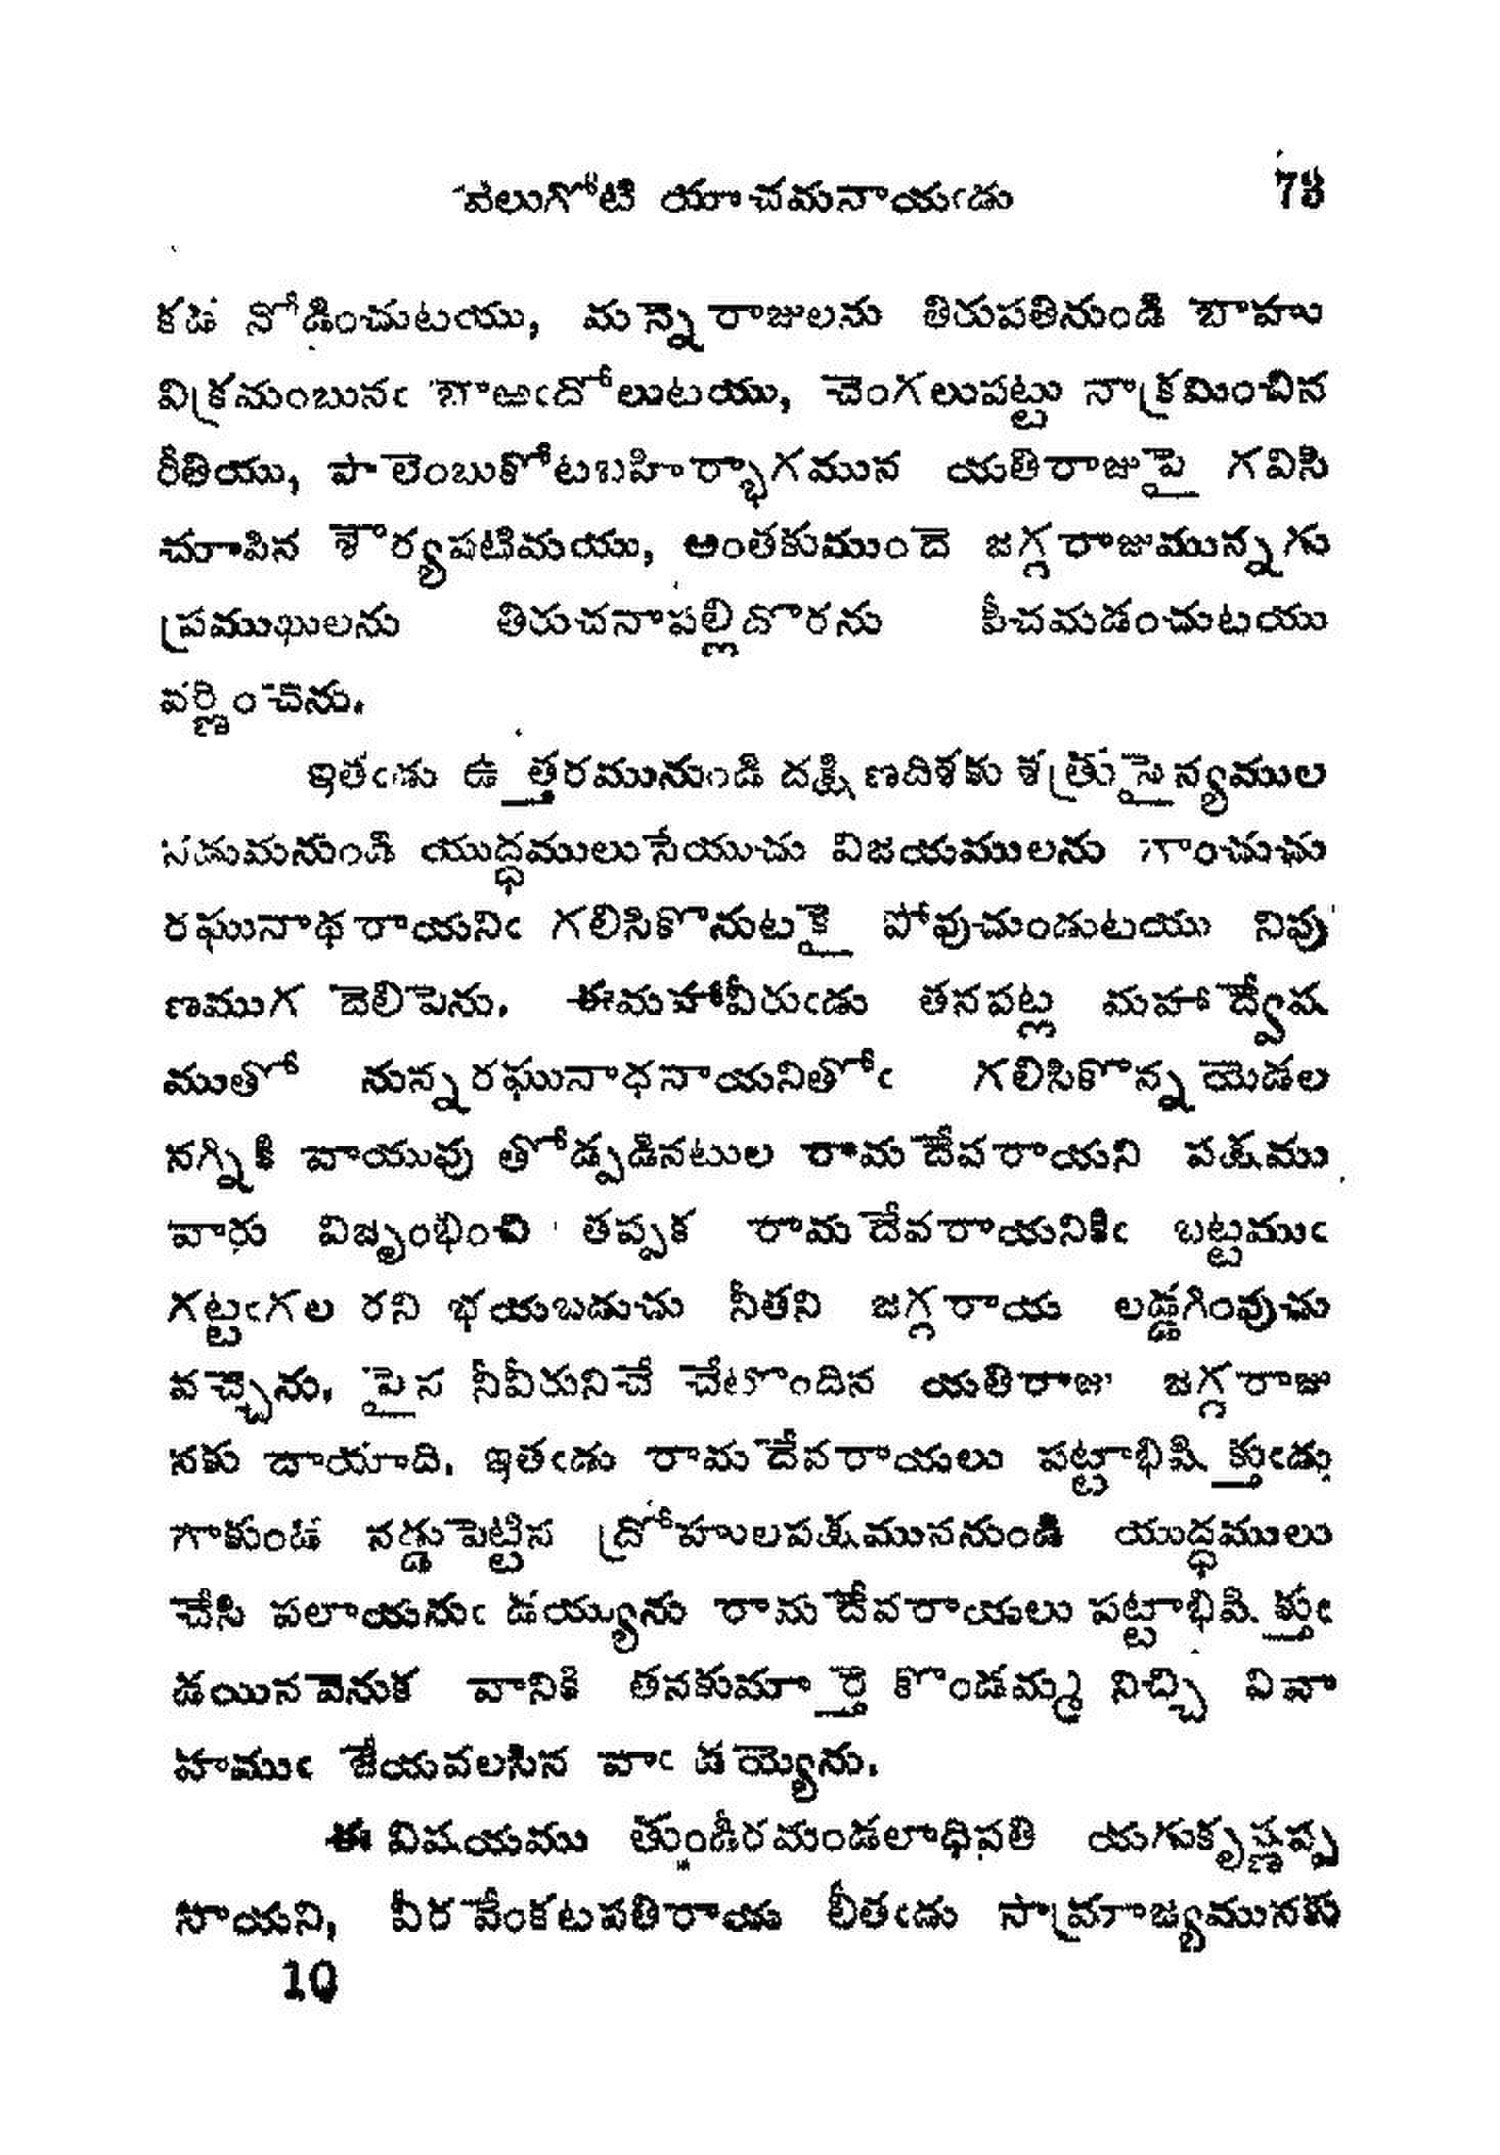కడ నోడించుటయు, మన్నె రాజులను తిరుపతినుండి బాహు విక్రమంబునఁ బాఱఁదోలుటయు, చెంగలుపట్టు నాక్రమించిన రీతియు, పాలెంబుకోటబహిర్భాగమున యతిరాజుపై గవిసి చూపిన శౌర్యపటిమయు, అంతకుముందె జగ్గరాజుమున్నగు ప్రముఖులను తిరుచనాపల్లిదొరను పీచమడంచుటయు వర్ణించెను.

ఇతఁడు ఉత్తరమునుండి దక్షిణదిశకు శత్రుసైన్యముల నడుమనుండి యుద్ధములుసేయుచు విజయములను గాంచుచు రఘునాథరాయనిఁ గలిసికొనుటకై పోవుచుండుటయు నిపుణముగ దెలిపెను. ఈమహావీరుఁడు తనపట్ల మహాద్వేషముతో నున్నరఘునాధనాయనితోఁ గలిసికొన్న యెడల నగ్నికి వాయువు తోడ్పడినటుల రామదేవరాయని పక్షము వారు విజృంభించి తప్పక రామదేవరాయనికిఁ బట్టముఁ గట్టఁగల రని భయబడుచు నీతని జగ్గరాయ లడ్డగింపుచు వచ్చెను. పైన నీవీరునిచే చేటొందిన యతిరాజు జగ్గరాజునకు దాయాది. ఇతఁడు రామదేవరాయలు పట్టాభిషిక్తుఁడు గాకుండ నడ్డుపెట్టిన ద్రోహులపక్షముననుండి యుద్ధములు చేసి పలాయనుఁ డయ్యును రామదేవరాయలు పట్టాభిషిక్తుఁ డయినవెనుక వానికి తనకుమార్తె కొండమ్మ నిచ్చి వివాహముఁ జేయవలసిన వాఁ డయ్యెను.

ఈ విషయము తుండీరమండలాధిపతి యగుకృష్ణప్పనాయని, వీరవేంకటపతిరాయ లీతఁడు సామ్రాజ్యమునకు